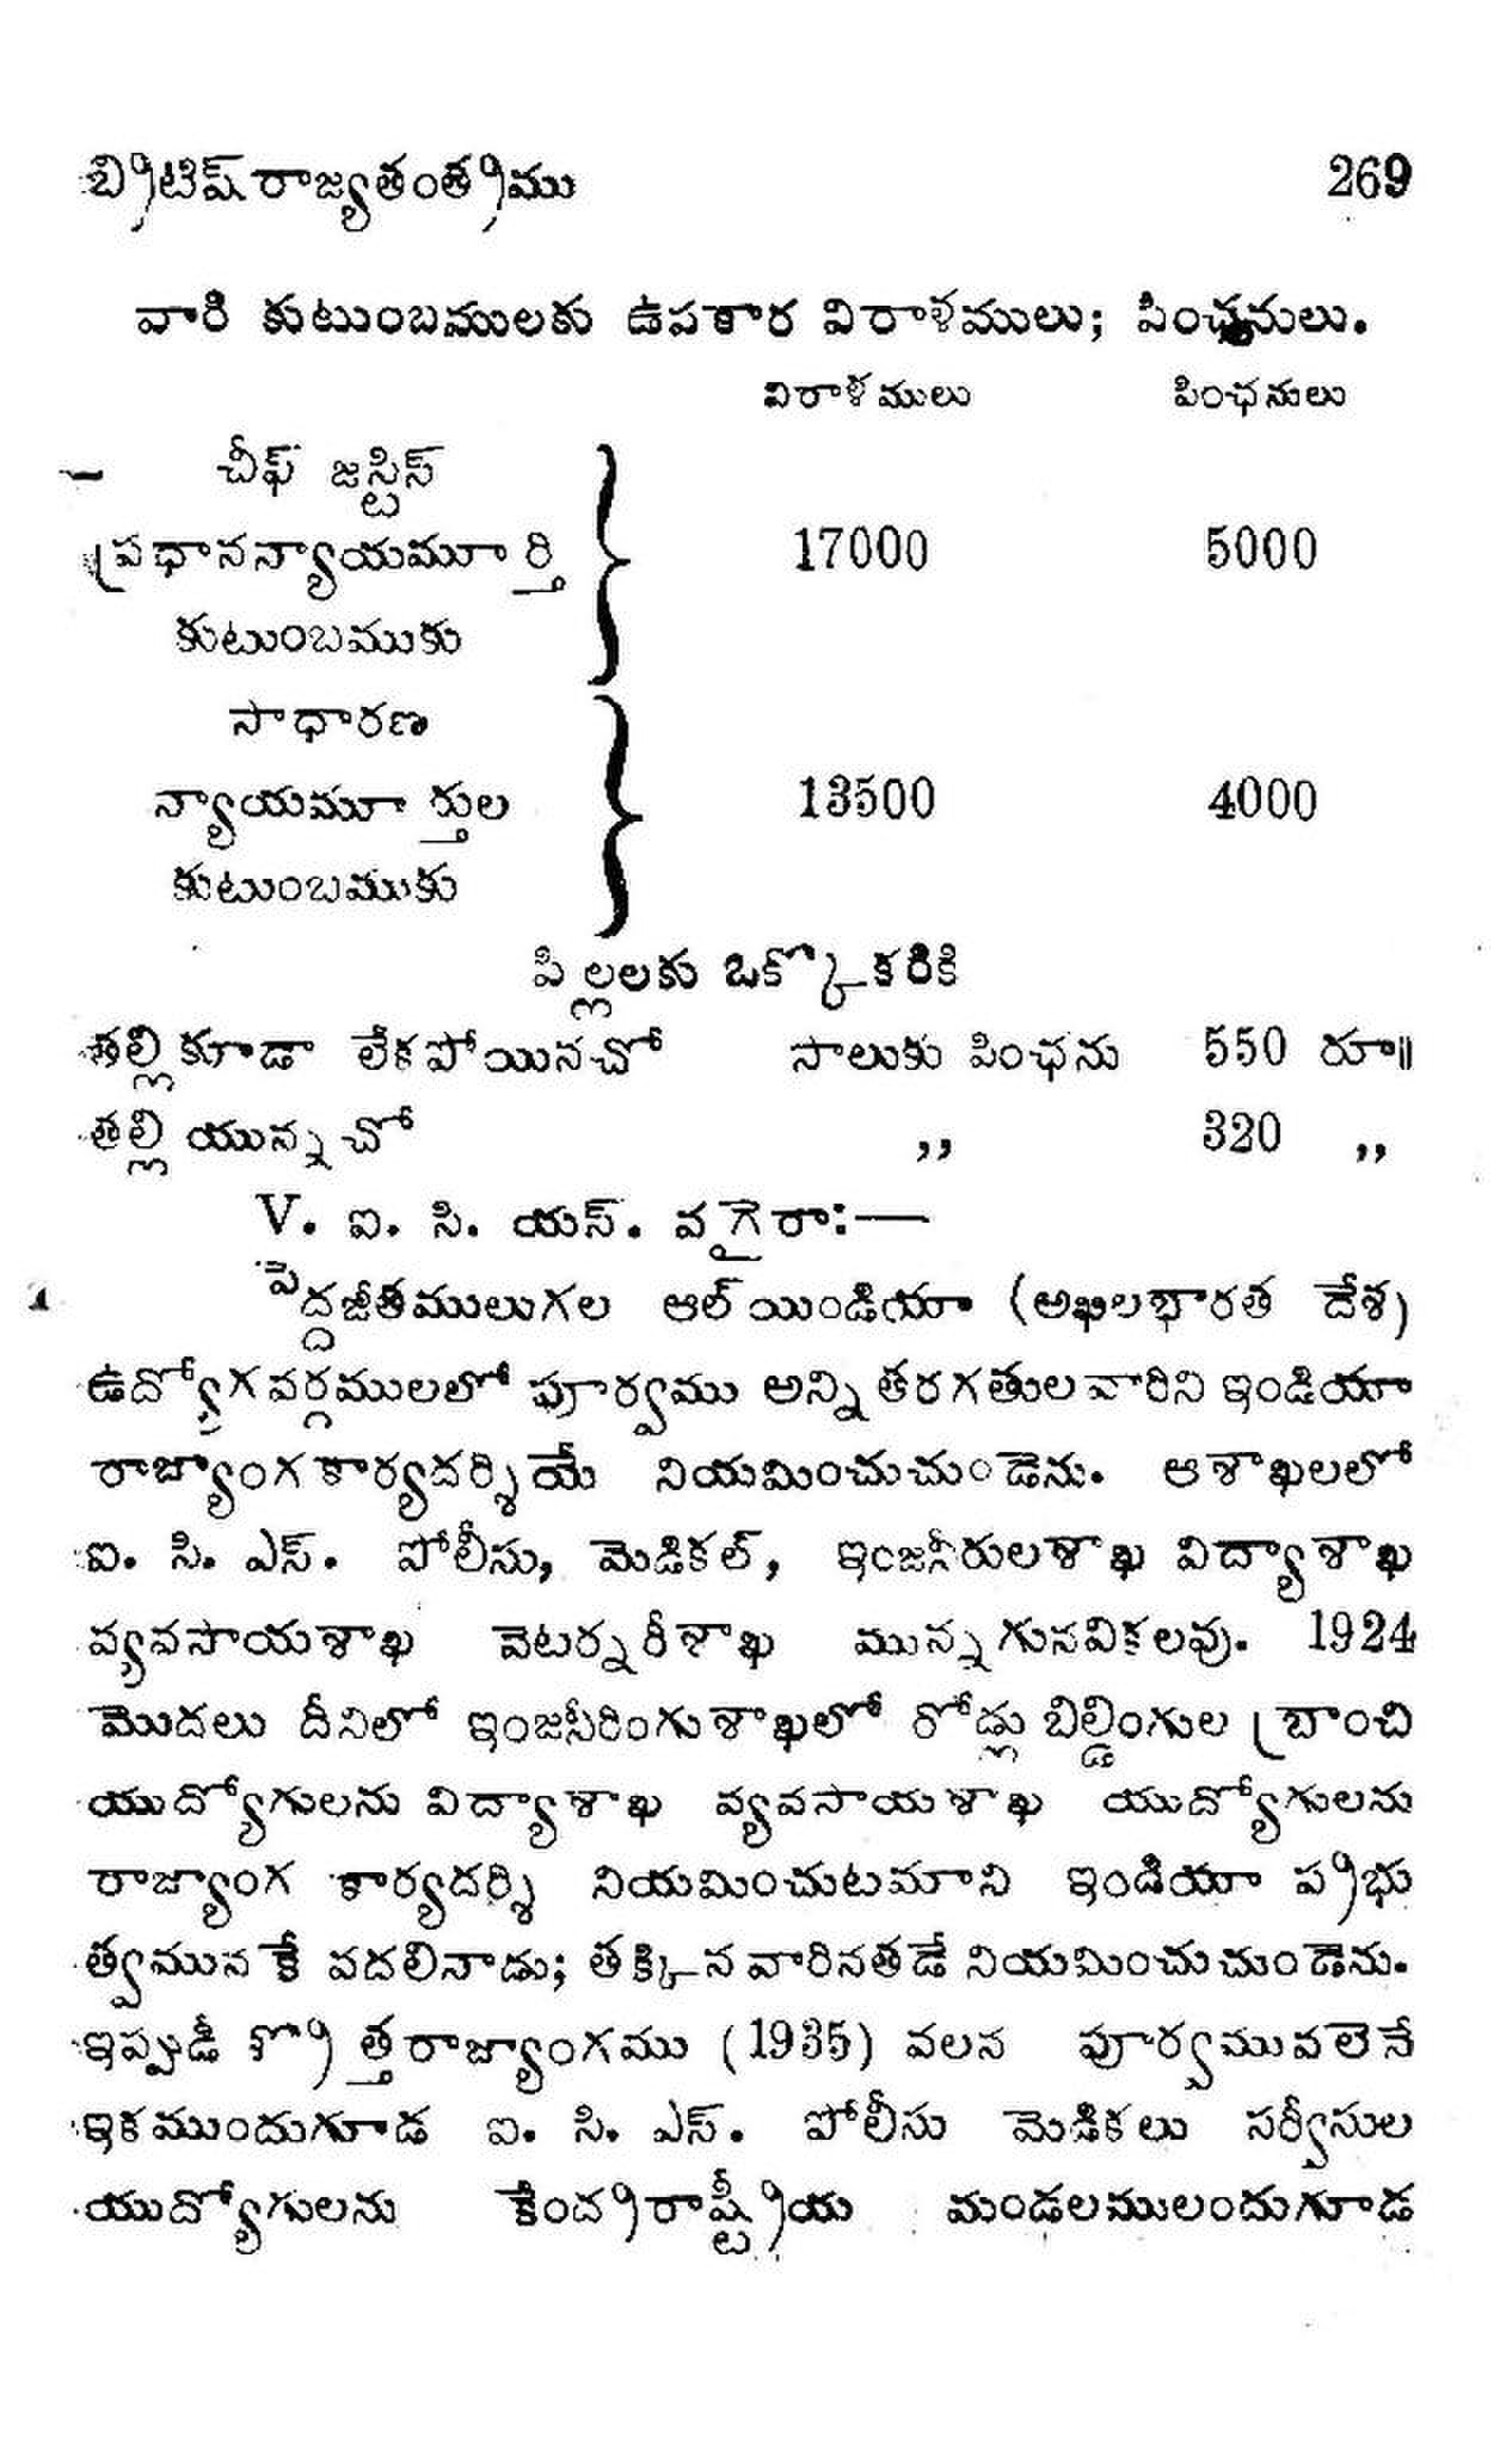వారి కుటుంబములకు ఉపకార విరాళములు; పింఛనులు
 - విరాళములు పింఛనులు చీఫ్ జస్టిస్ ప్రధానన్యాయమూర్తి కుటుంబముకు 17000 5000 సాధారణ న్యాయమూర్తుల కుటుంబముకు 13500 4000

 తల్లికూడా లేకపోయినచో సాలుకు పింఛను 550 రూ. తల్లి యున్నచో సాలుకు పింఛను 320 రూ.

V. ఐ.సి.యస్. వగైరా:-

పెద్దజీతములుగల ఆల్‌యిండియా (అఖిలభారత దేశ) ఉద్యోగవర్గములలో పూర్వము అన్నితరగతులవారిని ఇండియా రాజ్యాంగకార్యదర్శియే నియమించుచుండెను.ఆశాఖలలో ఐ. సి. యస్. పోలీసు, మెడికల్, ఇంజనీరులశాఖ విద్యాశాఖ వ్యవసాయశాఖ వెటర్నరీశాఖ మున్నగునవికలవు. 1924 మొదలు దీనిలో ఇంజనీరింగుశాఖలో రోడ్లు బిల్డింగుల బ్రాంచి యుద్యోగులను విద్యాశాఖ వ్యవసాయశాఖ యుద్యోగులను రాజ్యాంగ కార్యదర్శి నియమించుటమాని ఇండియా ప్రభుత్వమునకే వదలినాడు; తక్కినవారినతడే నియమించుచుండెను. ఇప్పుడీ క్రొత్తరాజ్యాంగము (1935) వలన పూర్వమువలెనే ఇకముందుగూడ ఐ. సి. యస్. పోలీసు మెడికలు సర్వీసుల యుద్యోగులను కేంద్రరాష్ట్రీయ మండలములందుగూడ